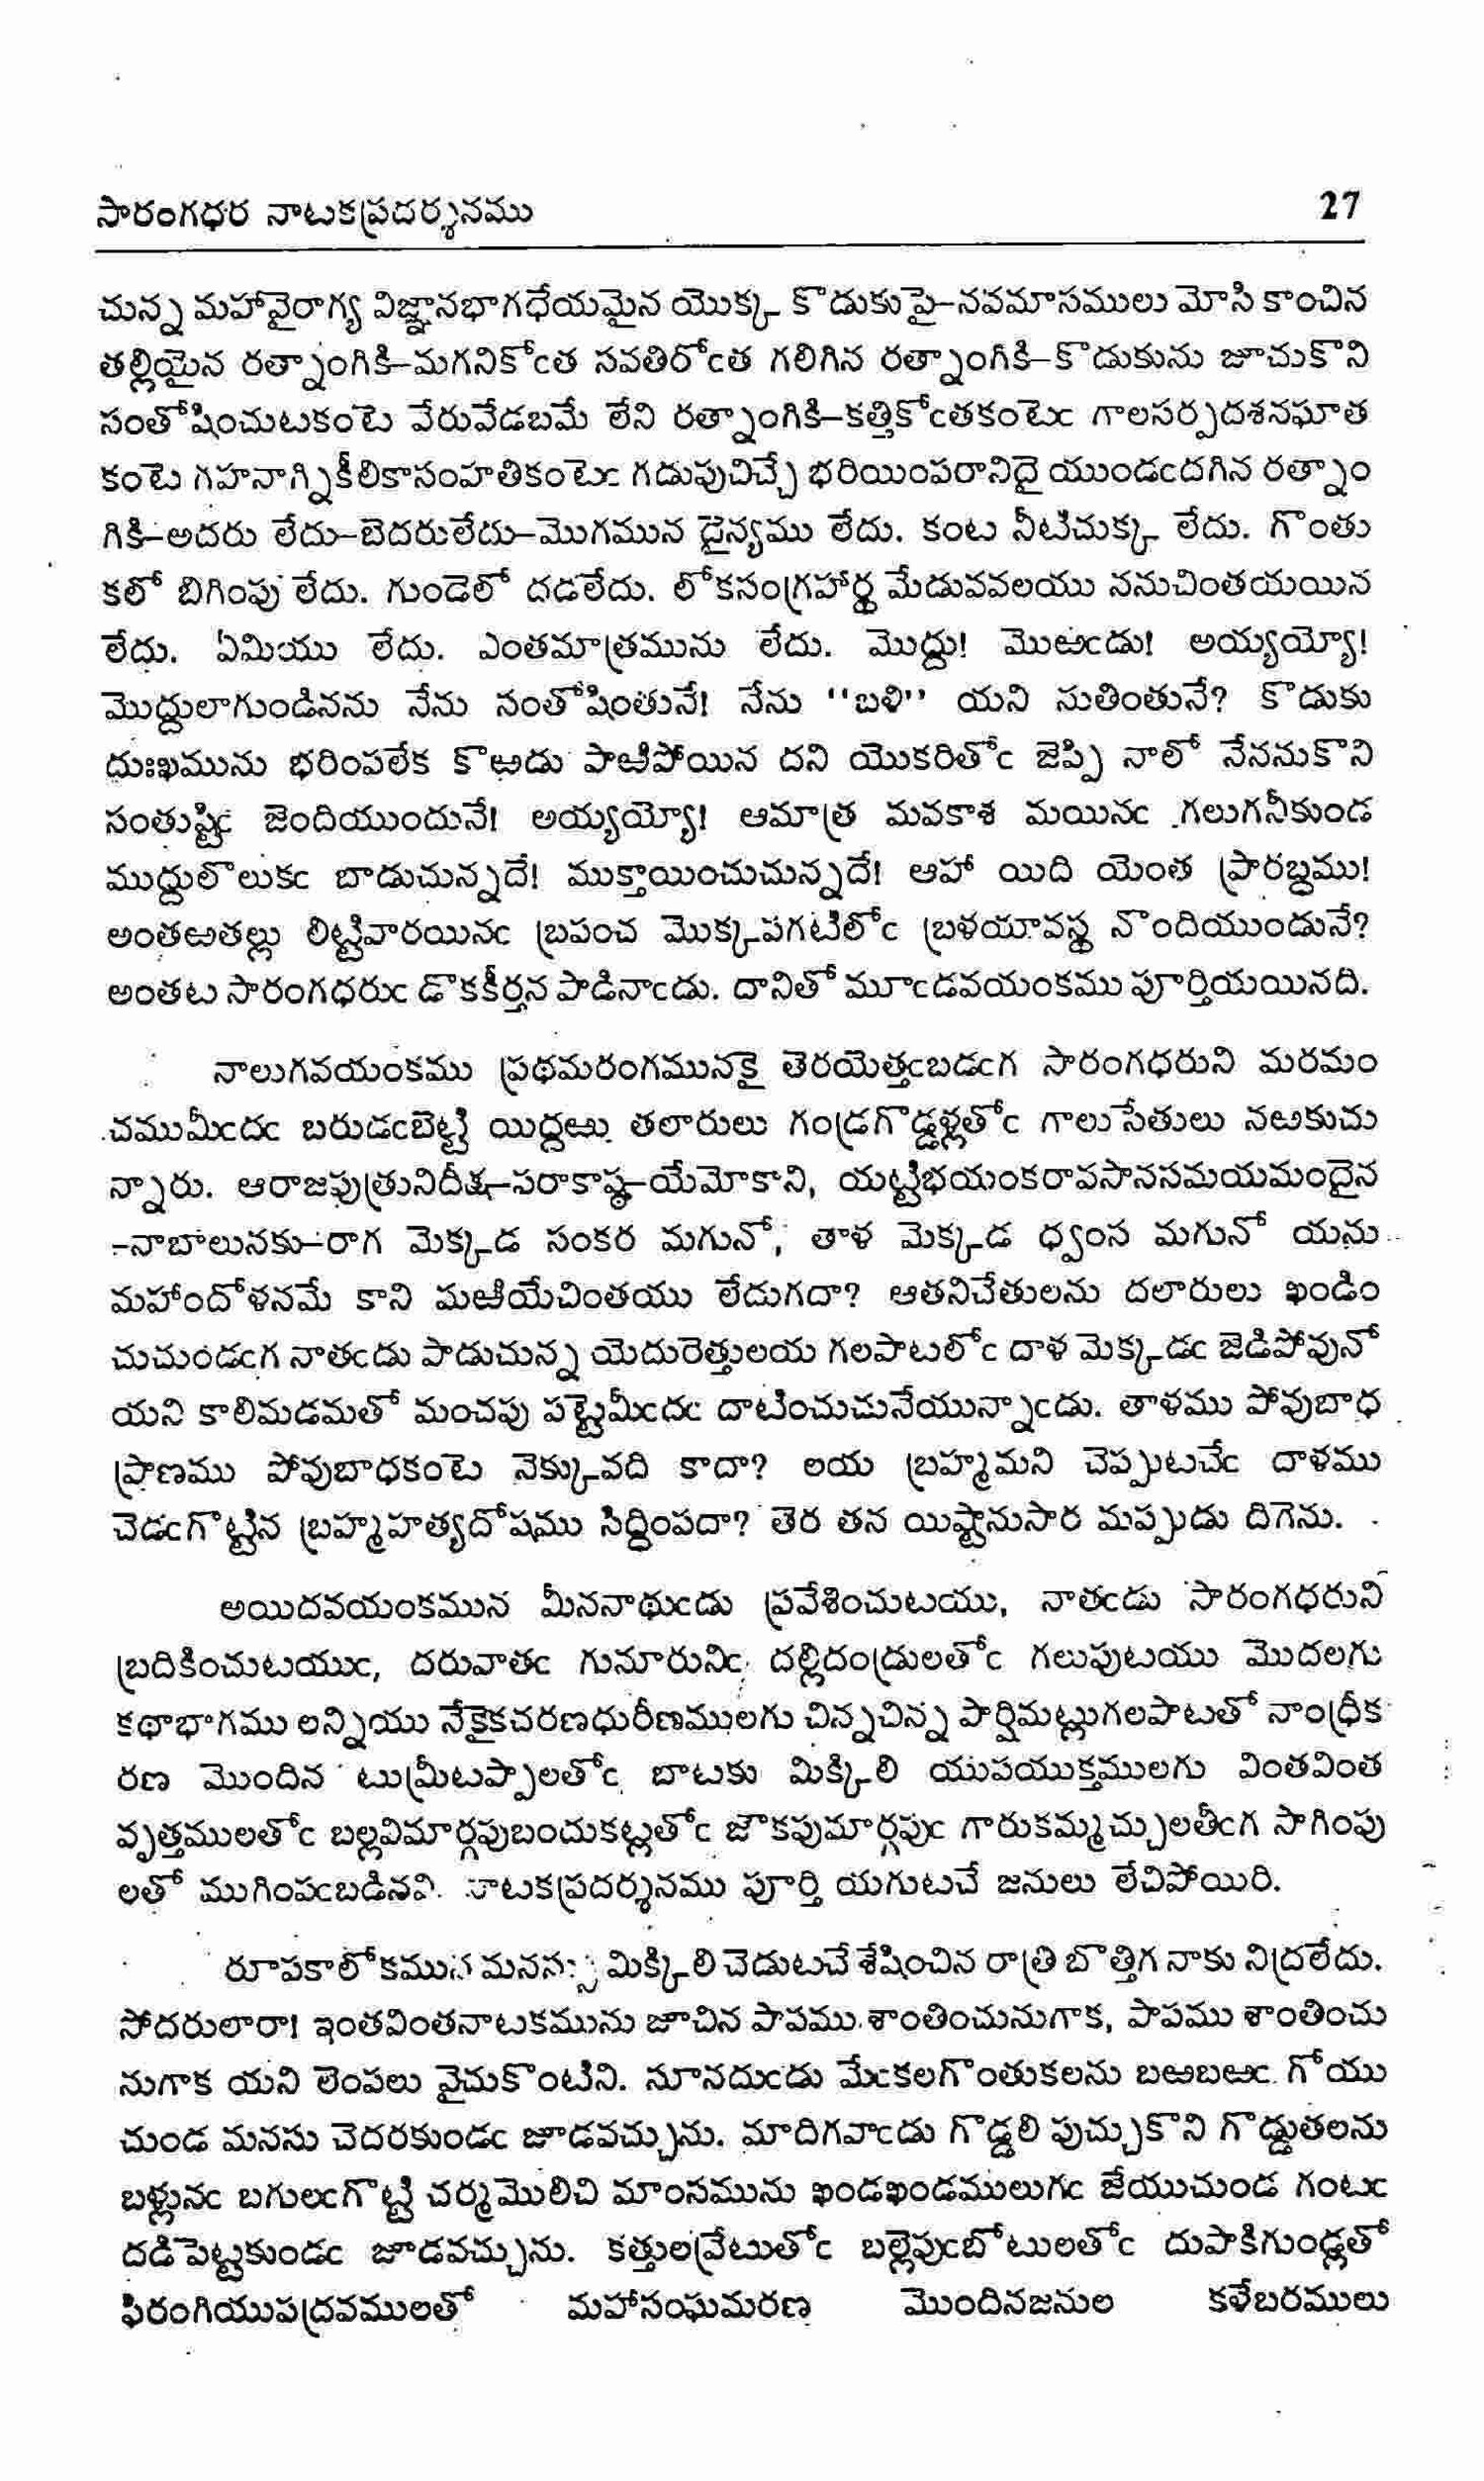చున్న మహావైరాగ్య విజ్ఞానభాగధేయమైన యొక్క కొడుకుపై-నవమాసములు మోసి కాంచిన
తల్లియైన రత్నాంగికి-మగనికోఁత సవతిరోఁత గలిగిన రత్నాంగీకి-కొడుకును జూచుకొని
సంతోషించుటకంటె వేరువేడబమే లేని రత్నాంగికి-కత్తికోఁతకంటెఁ గాలసర్పదశనఘాత
కంటే గహనాగ్నికీలికాసంహతీకంటెఁ గడుపుచిచ్చే భరియింపరానిదై యుండఁదగిన రత్నాంగికి-అదరు 
లేదు-బెదరులేదు-మొగమున దైన్యము లేదు. కంట నీటిచుక్క లేదు. గొంతుకలో బిగింపు లేదు. గుండెలో దడలేదు. లోకసంగ్రహార్థ మేడువవలయు ననుచింతయయినలేదు. ఏమియు లేదు. ఎంతమాత్రమును లేదు. మొద్దు! మొఱఁడు! అయ్యయ్యో! మొద్దులాగుండినను నేను సంతోషింతునే! నేను ❝బళి❞ యని సుతింతునే? కొడుకు దుఃఖమును భరింపలేక కొఱుడు పాఱిపోయిన దని యొకరితోఁ జెప్పి నాలో నేననుకొని
సంతుష్టి జెందియుందునే! అయ్యయ్యో! ఆమాత్ర మవకాశ మయినఁ గలుగనీకుండ ముద్దులొలుకఁ బాడుచున్నదే! ముక్తాయించుచున్నదే! ఆహా యిది యెంత ప్రారబ్ధము! అంతటితల్లు లిట్టివారయినఁ బ్రపంచ మొక్క పగటిలోఁ బ్రళయావస్థ నొందియుండునే? అంతట సారంగధరుఁ డొకకీర్తన పాడినాఁడు.
దానితో మూఁడవయంకము పూర్తియయినది.

నాలుగవయంకము ప్రథమరంగమునకై తెరయెత్తఁబడఁగ సారంగధరుని మరమం
చముమీఁదఁ బరుడఁబెట్టి యిద్దఱు తలారులు గండ్ర గొడ్డళ్లతోఁ గాలు సేతులు నటకుచున్నారు. ఆరాజపుత్రుని దీక్ష-పరాకాష్ఠ-యేమోకాని, యట్టభయంకరావసానసమయమందైన
-నాబాలునకు-రాగ మెక్కడ సంకర మగునో, తాళ మెక్కడ ధ్వంస మగునో యను మహాందోళనమే కాని మఱియేచింతయు లేడుగదా? ఆతని చేతులను దలారులు ఖండించుచుండఁగ నాతఁడు పాడుచున్న యెదురెత్తులయ గలపాటలోఁ దాళ మెక్కడఁ జెడిపోవునోయని కాలిమడమతో మంచపు పట్టెమీఁదఁ దాటించుచునేయున్నాఁడు. తాళము పోవుబాధ,ప్రాణము పోవుబాధకంటె నెక్కువది కాదా? లయ బ్రహ్మమని చెప్పుటచేఁ దాళము చెడఁగొట్టిన బ్రహ్మహత్య దోషము సిద్ధింపదా? తెర తన యిష్టానుసార మప్పుడు దిగెను.

అయిదవయంకమున మీననాథుఁడు ప్రవేశించుటయు, నాతఁడు సారంగధరుని
బ్రదికించుటయుఁ, దరువాతఁ గునూరునిఁ దల్లిదండ్రులతోఁ గలుపుటయు మొదలగు
కథాభాగములన్నియు నేకైకచరణధురీణములగు చిన్నచిన్న పార్షిమట్లుగలపాటతో నాంధ్రికరణ మొందిన టుమీటప్పాలతోఁ బాటకు మిక్కిలి యుపయుక్తములగు వింతవింత
వృత్తములతోఁ బల్లవిమార్గపుటందుకట్లతోఁ జౌకపుమార్గపుఁ గారుకమ్మచ్చులతీఁగ సాగింపు
లతో ముగింపఁబడినవి నాటకప్రదర్శనము పూర్తి యగుటచే జనులు లేచిపోయిరి.

రూపకాలోకమునమనస్సు మిక్కిలి చెడుటచే శేషించిన రాత్రి బొత్తిగ నాకు నిద్రలేదు.
సోదరులారా! ఇంతవింతనాటకమును జూచిన పాపము శాంతించునుగాక, పాపము శాంతించు
నుగాక యని లెంపలు వైచుకొంటిని. నూనదుఁడు మేఁకలగొంతుకలను బఱబఱఁ గోయు
చుండ మనసు చెదరకుండఁ జూడవచ్చును. మాదిగవాఁడు గొడ్డలి పుచ్చుకొని గొడ్డుతలను
బళ్లునఁ బగులఁగొట్టి చర్మమొలిచి మాంసమును ఖండఖండములుగఁ జేయుచుండ గంటఁ
దడిపెట్టకుండఁ జూడవచ్చును. కత్తులవ్రేటుతోఁ బల్లెపుఁబోటులతోఁ దుపాకి గుండ్లతో
ఫిరంగియుపద్రవములతో మహాసంఘమరణ మొందినజనుల కళేబరములు